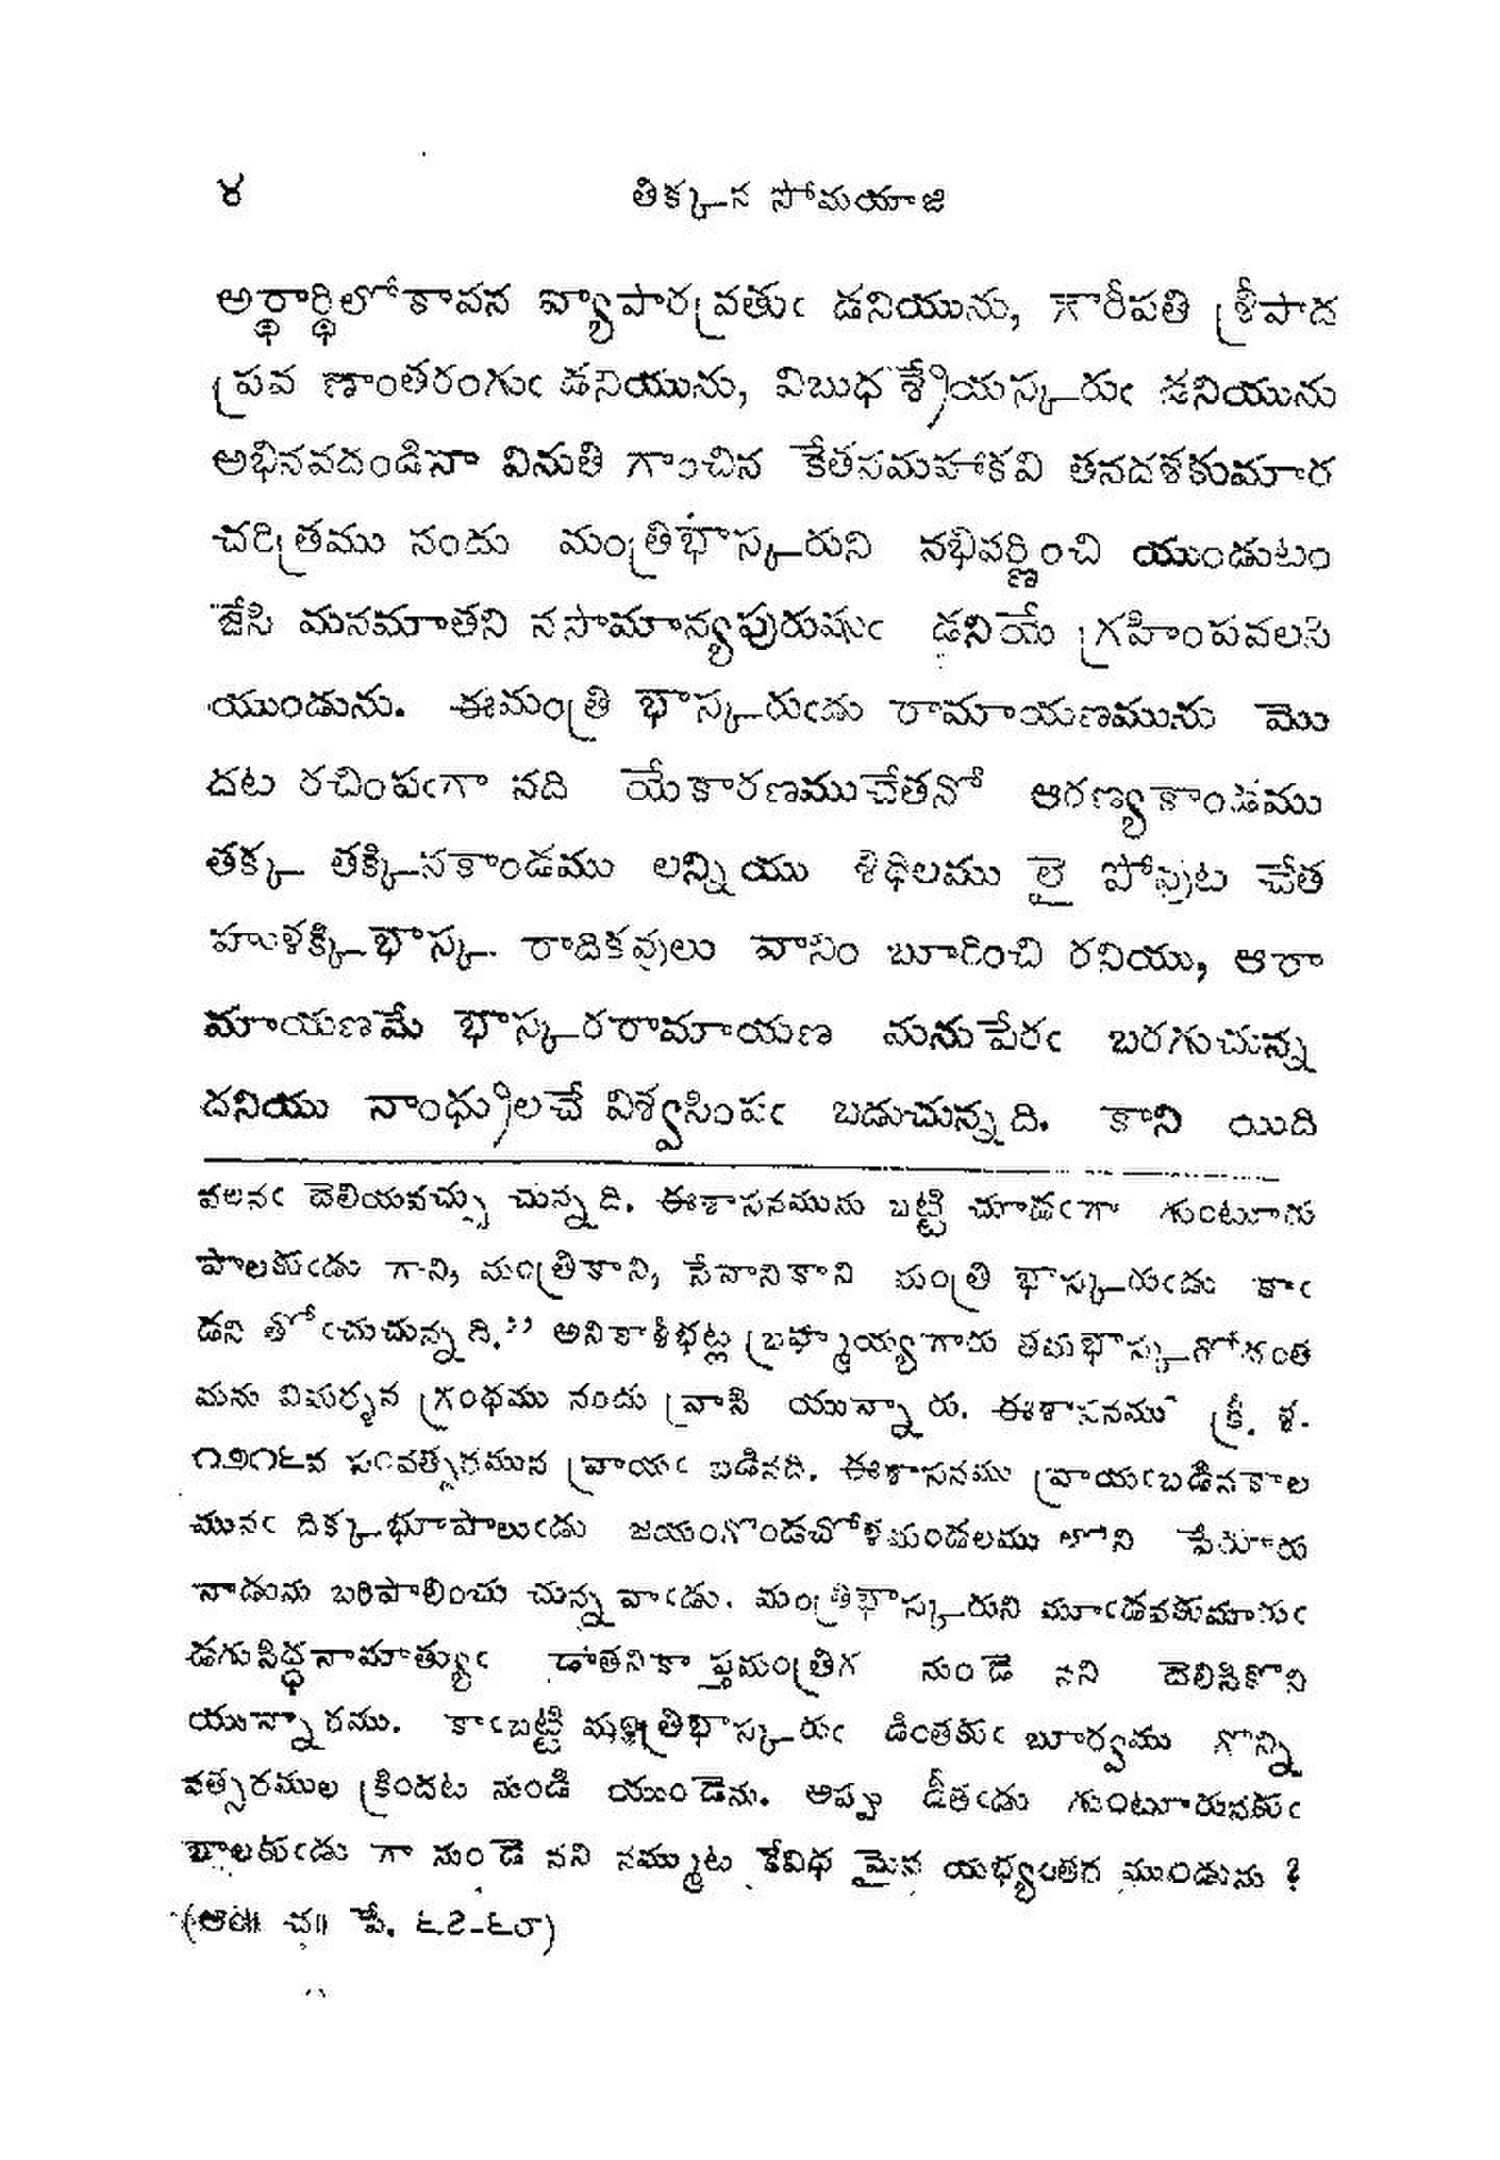అర్థార్థిలోకావన వ్యాపారవ్రతుఁ డనియును, గౌరీపతి శ్రీపాదప్రవ ణాంతరంగుఁ డనియును, విబుధశ్రేయస్కరుఁ డనియును అభినవదండినా వినుతి గాంచిన కేతనమహాకవి తనదశకుమార చరిత్రము నందు మంత్రిభాస్కరుని నభివర్ణించి యుండుటంజేసి మనమాతని నసామాన్యపురుషుఁ డనియే గ్రహింపవలసి యుండును. ఈమంత్రి భాస్కరుఁడు రామాయణమును మొదట రచింపఁగా నది యేకారణముచేతనో ఆరణ్యకాండము తక్క తక్కినకాండము లన్నియు శిధిలము లై పోవుట చేత హుళక్కి భాస్క రాదికవులు వానిం బూరించి రనియు, ఆరామాయణమే భాస్కరరామాయణ మనుపేరఁ బరగుచున్న దనియు నాంధ్రులచే విశ్వసింపఁ బడుచున్నది. కాని యిది